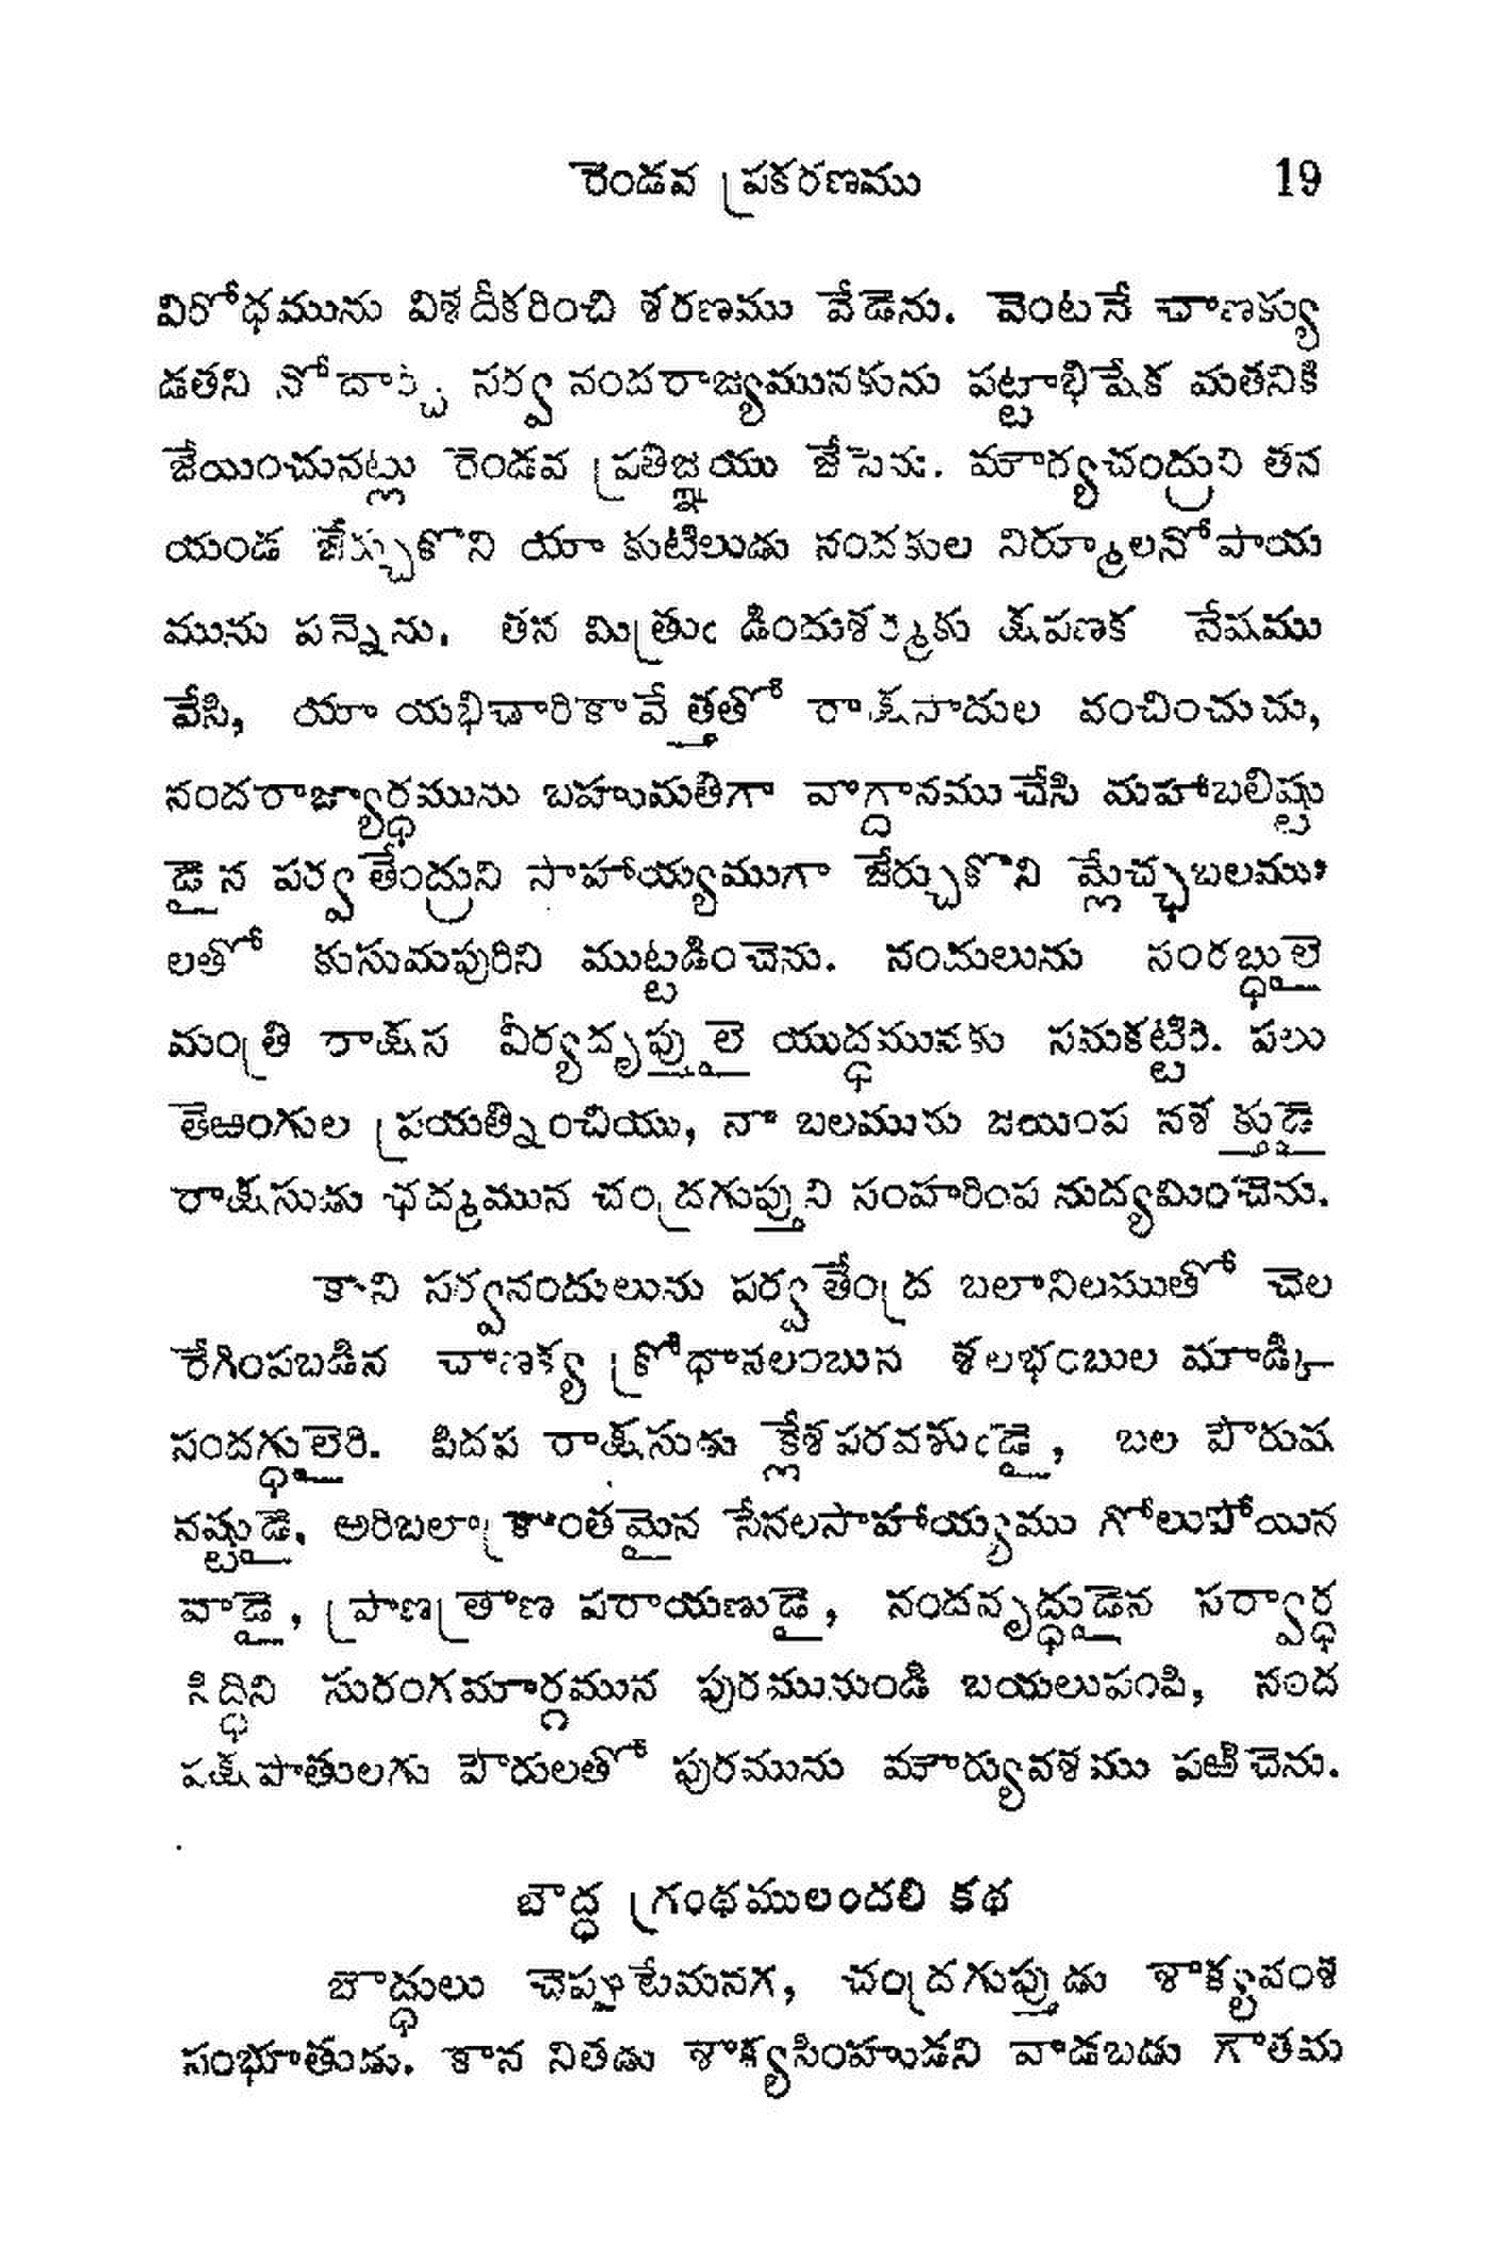విరోధమును విశదీకరించి శరణము వేడెను. వెంటనే చాణక్యుడతని నోదార్చి సర్వ నందరాజ్యమునకును పట్టాభిషేక మతనికి జేయించునట్లు "రెండవ ప్రతిజ్ఞయు జేసెను. మౌర్యచంద్రుని తన యండ జేర్చుకొని యా కుటిలుడు నందకుల నిర్మూలనోపాయమును, పన్నెను. తన మిత్రుఁ డిందుశర్మకు క్షపణక వేషము వేసి, యా యభిచారికావేత్తతో రాక్షసాదుల వంచించుచు, నందరాజ్యార్ధమును బహుమతిగా వాగ్దానము చేసి మహాబలిష్టుడైన పర్వతేంద్రుని సాహాయ్యముగా జేర్చుకొని మ్లేచ్చబలములతో కుసుమపురిని ముట్టడించెను. నందులును సంరబ్ధులై మంత్రి రాక్షస వీర్యదృప్తులై యుద్ధమునకు సమకట్టిరి. పలు తెఱంగుల ప్రయత్నించియు, నా బలమును జయింప నశక్తుడై రాక్షసుడు ఛద్మమున చంద్రగుప్తుని సంహరింప నుద్యమించెను.

కాని సర్వనందులును పర్వతేంద్ర బలానిలముతో చెలరేగింపబడిన చాణక్య క్రోధానలంబున శలభంబుల మాడ్కి సందగ్ధులైరి. పిదప రాక్షసుడు క్లేశపరవశుఁడై, బల పౌరుష నష్టుడై, అరిబలాక్రాంతమైన సేనలసాహాయ్యము గోలుపోయిన వాడై , ప్రాణ త్రాణ పరాయణుడై , నందవృద్ధుడైన సర్వార్ధ సిద్దిని సురంగమార్గమున పురమునుండి బయలుపంపి, నంద పక్షపాతులగు పౌరులతో పురమును మౌర్యువశము పఱిచెను.

బౌద్ధ గ్రంథములందలి కథ 

బౌద్దులు చెప్పుటేమనగ, చంద్రగుప్తుడు శాక్యవంశ సంభూతుడు. కాన నితడు శాక్యసింహుడని వాడబడు గౌతమ